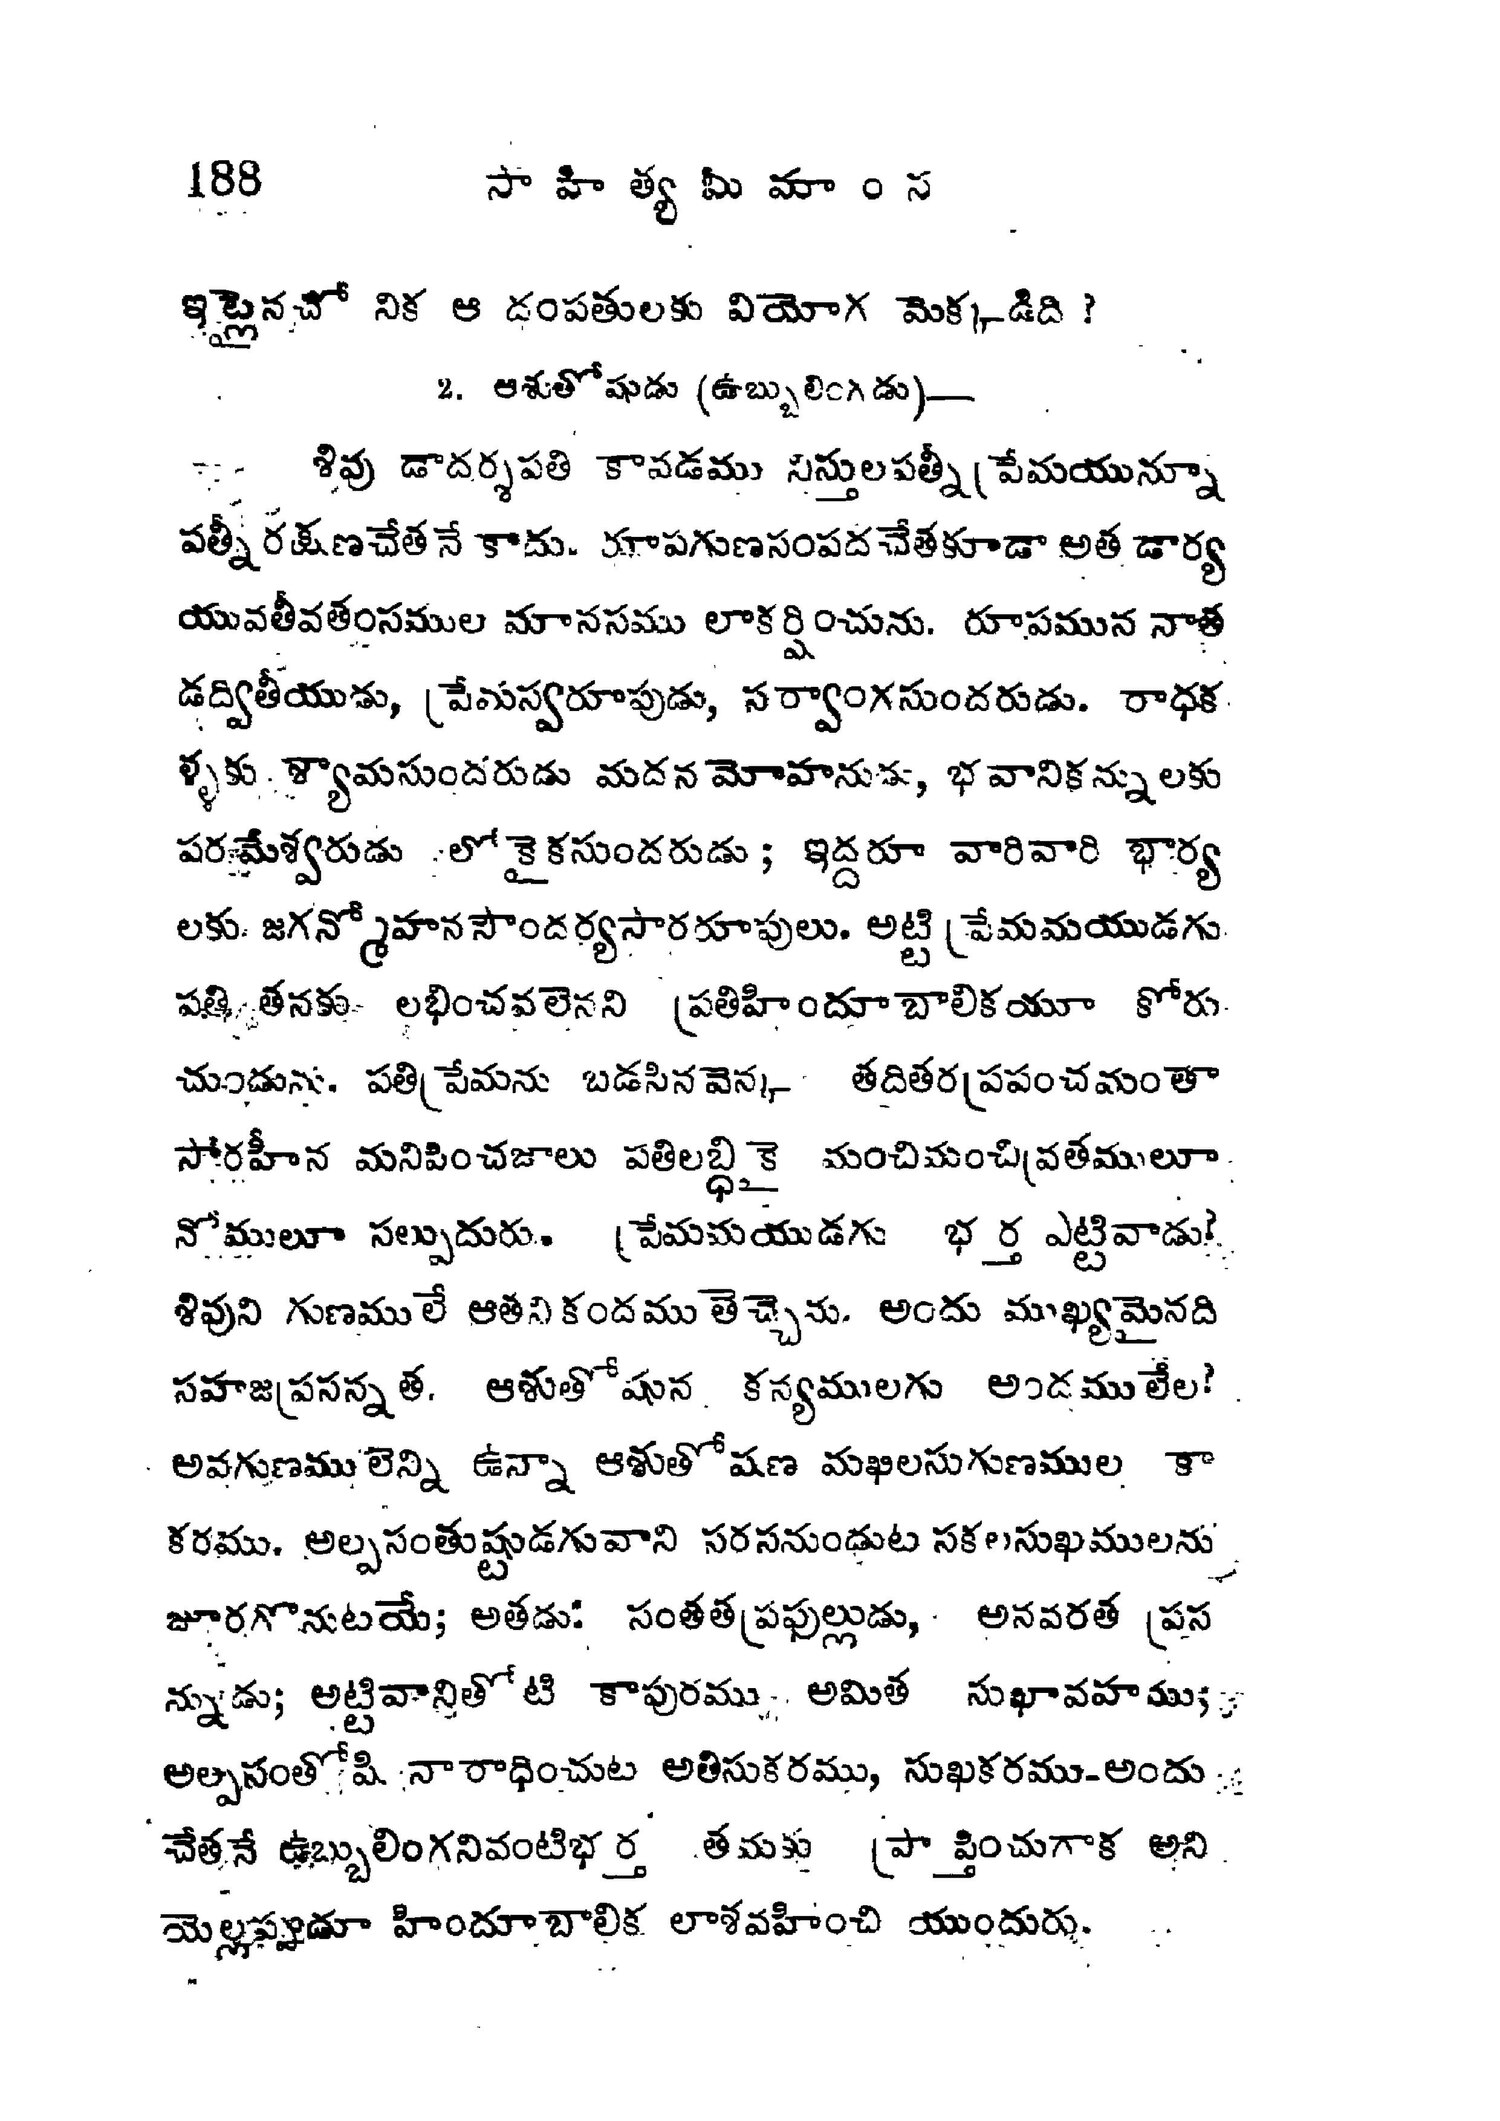ఇట్లైనచో నిక ఆ దంపతులకు వియోగ మెక్కడిది?

శివు డాదర్శపతి కావడము నిస్తులపత్నీ ప్రేమయున్నూ పత్నీ రక్షణచేతనే కాదు. రూపగుణసంపదచేతకూడా అత డార్య యువతీవతంసముల మానసము లకర్షించును. రూపమున నాత డద్వితీయుడు, ప్రేమస్వరూపుడు, సర్వాంగసుందరుడు. రాధకళ్ళకు శ్యామసుందరుడు మదనమోహనుడు, భవానికన్నులకు పరమేశ్వరుడు లోకైకసుందరుడు; ఇద్దరూ వారివారి భార్యలకు జగన్మోహనసౌందర్యసారరూపులు. అట్టి ప్రేమమయుడగు పతి తనకు లభించవలెనని ప్రతిహిందూబాలికయూ కోరుచుండును. పతిప్రేమను బడసినవెన్క తదితరప్రపంచమంతా సోరహీన మనిపించజాలు పతిలబ్ధికై మంచిమంచివ్రతములూ నోములూ సల్పుదురు. ప్రేమమయుడగు భర్త ఎట్టివాడు? శివుని గుణములే అతని కందము తెచ్చెను. అందు ముఖ్యమైనది సహజప్రసన్నత. ఆశుతోషున కన్యములగు అందములేల? అవగుణములెన్ని ఉన్నా ఆశుతోషణ మఖిలసుగుణముల కాకరము. అల్పసంతుష్టుడగువాని సరసనుండుట సకలసుఖములను జూరగొనుటయే; అతడు: సంతతప్రపుల్లుడు, అనవరత ప్రసన్నుడు; అట్టివానితోటి కాపురము అమిత సుఖావహము; అల్పసంతోషి నారాధించుట అతిసుకరము, సుఖకరము-అందు చేతనే ఉబ్బులింగనివంటిభర్త తమకు ప్రాప్తించుగాక అని యెల్లప్పుడూ హిందూబాలిక లాశవహించి యుందురు.